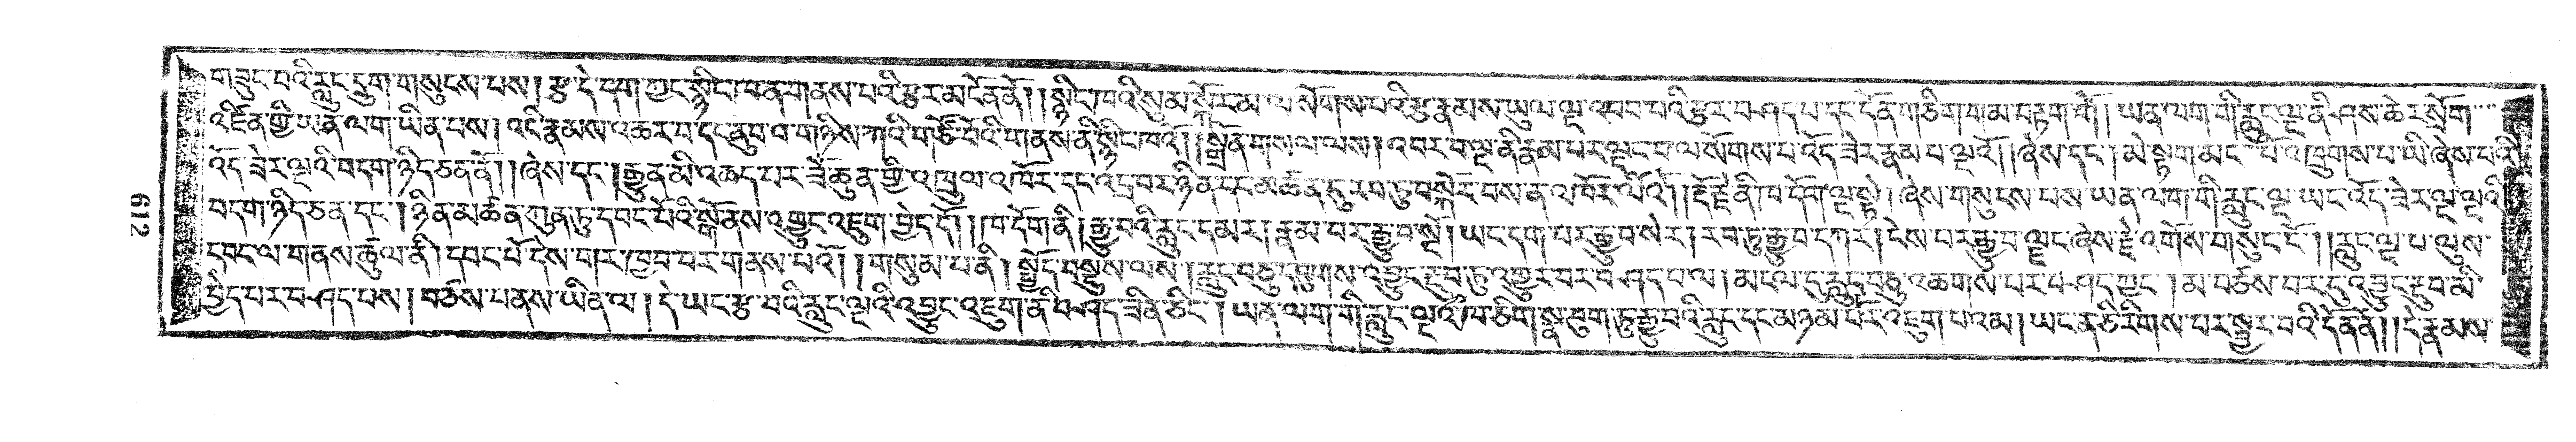གཟུང་བའི་རླུང་དྲུག་གསུངས་པས། རྩ་དེ་དག་ཀྱང་སྙིང་ཁ་ན་གནས་པའི་རྩར་མངོན་ནོ། །སྙིང་ཁའི་སུམ་སྐོར་མ་ལ་སོགས་པའི་རྩ་རྣམས་ཡུལ་ལྔ་འབབ་པའི་རྩར་བཤད་པ་དང་དོན་གཅིག་གམ་བརྟག་གོ །ཡན་ལག་གི་རླུང་ལྔ་ནི་ཤས་ཆེར་སྲོག་
འཛིན་གྱི་ཡན་ལག་ཡིན་པས། འདི་རྣམས་འཆར་བ་དང་ནུབ་པ་གཉིས་ཀའི་གཙོ་བོའི་གནས་ནི་སྙིང་ཁའོ། །སྒྲོན་གསལ་ལས། འབར་བ་ལྔ་ནི་རྣམ་པར་ལྡང་བ་ལ་སོགས་པ་འོད་ཟེར་རྣམ་པ་ལྔའོ། །ཞེས་དང་། མི་ལྟག་མང་པོ་འཁྲུགས་པ་ཡི་ཞེས་པའི་
འོད་ཟེར་ལྔའི་བདག་ཉིད་ཅན་ནོ། །ཞེས་དང་། རྒྱུན་མི་འཆད་པར་ཟོ་ཆུན་གྱི་འཁྲུལ་འཁོར་དང་འདྲ་བར་ཉིན་དང་མཚན་དུ་རབ་ཏུ་བསྐོར་བས་ན་འཁོར་ལོའོ། །རྡོ་རྗེ་ནི་ཁ་དོག་ལྔ་སྟེ། ཞེས་གསུངས་པས་ཡན་ལག་གི་རླུང་ལྔ་ཡང་འོད་ཟེར་ལྔ་ལྔའི་
བདག་ཉིད་ཅན་དང་། ཉིན་མཚན་ཀུན་ཏུ་དབང་པོའི་སྒོ་ནས་འབྱུང་འཇུག་བྱེད་དོ། །ཁ་དོག་ནི། རྒྱུ་བའི་རླུང་དམར། རྣམ་པར་རྒྱུ་བ་སྔོ། ཡང་དག་པར་རྒྱུ་བ་སེར། རབ་ཏུ་རྒྱུ་བ་དཀར། ངེས་པར་རྒྱུ་བ་ལྗང་ཞེས་རྗེ་འགོས་གསུང་ངོ། །རླུང་ལྔ་པ་ལུས་
དབང་ལ་གནས་ཚུལ་ནི། དབང་པོ་དེས་གར་ཁྱབ་པར་གནས་པའོ། །གསུམ་པ་ནི། སྤྱོད་བསྡུས་ལས། རླུང་བཅུ་དབུགས་འབྱུང་རྔུབ་ཏུ་འགྱུར་བར་བཤད་པ་ལ། མངལ་དུ་རླུང་བཅུ་འཆགས་པར་བཤད་ཀྱང་། མ་བཙས་བར་དུ་འབྱུང་རྔུབ་མི་
བྱེད་པར་བཤད་པས། བཙས་པ་ནས་ཡིན་ལ། དེ་ཡང་རྩ་བའི་རླུང་ལྔའི་འབྱུང་འཇུག་ནི་བཤད་ཟིན་ཅིང་། ཡན་ལག་གི་རླུང་ལྔའི་ཁ་ཅིག་སྣ་བུག་ཏུ་རྒྱུ་བའི་རླུང་དང་མཉམ་པོར་འཇུག་པའམ། ཡང་ན་ཅི་རིགས་པར་སྦྱར་བའི་དོན་ནོ། །དེ་རྣམས་